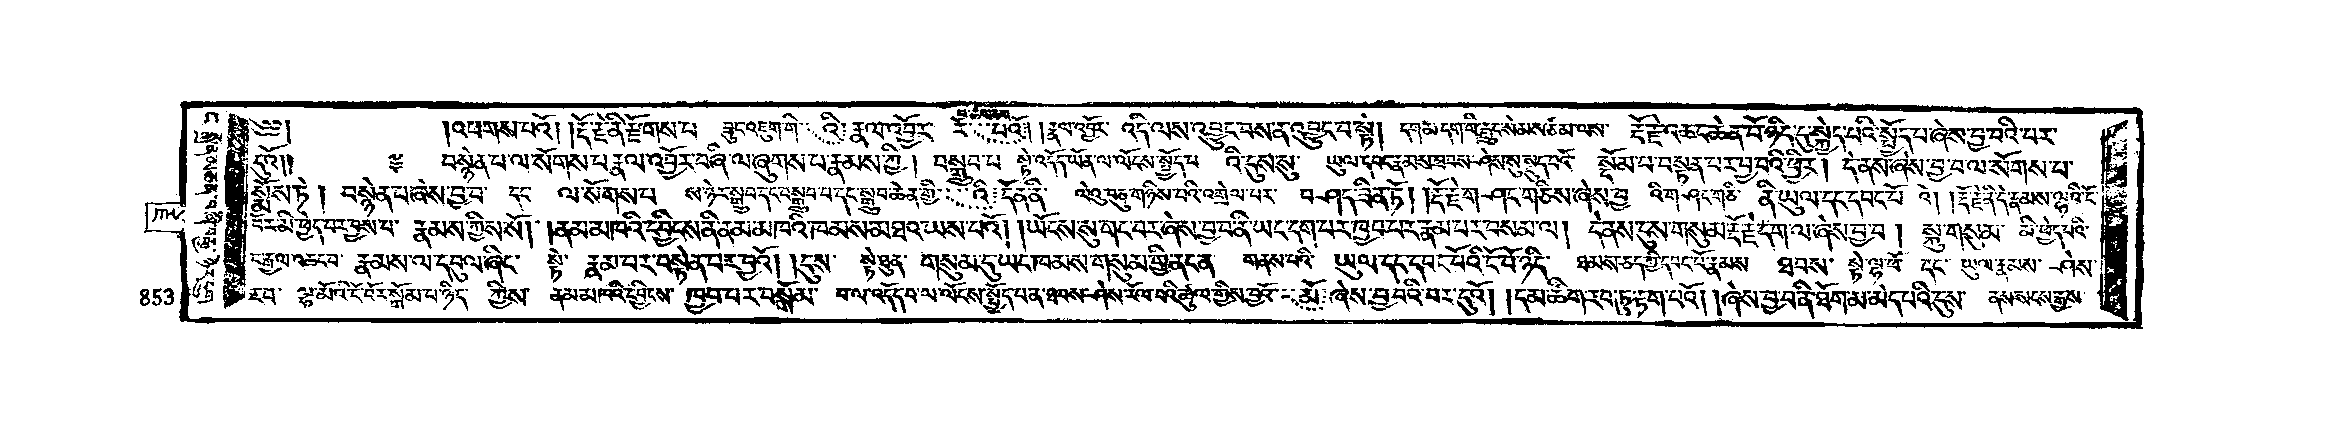༄༅། །འཕགས་པའོ། །རྡོ་རྗེ་ནི་རྫོགས་པ་ཟུང་འཇུག་གི་འི་རྣལ་འབྱོར་པ་ཚབ་ཆག་རོ་པའོ། ། རྣལ་འབྱོར་འདི་ལས་འབྱུང་བས་ན་འབྱུང་བ་སྟེ། དག་མ་དག་གི་རླུང་སེམས་ཙམ་ལས་རྡོ་རྗེ་འཆང་ཆེན་པོ་ཉིད་དུ་སྐྱེད་པའི་སྤྱོད་པ་ཞེས་བྱ་བའི་པར་
དུའོ།། ༈ བསྙེན་པ་ལ་སོགས་པ་རྣལ་འབྱོར་བཞི་ལ་ཞུགས་པ་རྣམས་ཀྱི། བསྒྲུབ་པ་སྟེ་འདོད་ཡོན་ལ་ལོངས་སྤྱོད་པའི་དུས་སུ་ཡུལ་དབང་རྣམས་ཐབས་ཤེས་སུ་སྡུད་པའོ་སྡོམ་པ་བསྟན་པར་བྱ་བའི་ཕྱིར། དེ་ནས་ཞེས་བྱ་བ་ལ་སོགས་པ་
སྨོས་ཏེ། བསྙེན་པ་ཞེས་བྱ་བ་དང་ལ་སོགས་པས་ཉེར་སྒྲུབ་དང་བསྒྲུབ་པ་དང་སྒྲུབ་ཆེན་གྱི་འི་དོན་ནི་ལེའུ་བཅུ་གཉིས་པའི་འགྲེལ་པར་བཤད་ཟིན་ཏོ། །རྡོ་རྗེ་གཤང་གཅིས་ཞེས་བྱའི་གཤང་གཅི་ནི་ཡུལ་དང་དབང་པོའོ། །རྡོ་རྗེ་ནི་དེ་རྣམས་ལྷའི་ངོ་
བོར་མི་ཕྱེད་པར་བྱས་པ་རྣམས་ཀྱིས་སོ། །ནམ་མཁའི་དབྱིངས་ནི་ནམ་མཁའི་ཁམས་མཐའ་ཡས་པའོ། །ཡོངས་སུ་གང་བར་ཞེས་བྱ་བ་ནི་ཡང་དག་པར་ཁྱབ་པར་རྣམ་པར་བསམ་ལ། དེ་ནས་དུས་གསུམ་རྡོ་རྗེ་དག་ལ་ཞེས་བྱ་བ། སྐུ་གསུམ་མི་ཕྱེད་པའི་
ང་རྒྱལ་འཆང་བ་རྣམས་ལ་དབུལ་ཞིང་སྟེ་རྣམ་པར་བསྟེན་པར་བྱའོ། །དུས་སྟེ་ཐུན་གསུམ་དུ་ཡང་ཁམས་གསུམ་གྱི་ནང་ན་གནས་པའི་ཡུལ་དང་དབང་པོའི་ངོ་བོ་ཉིད་ཐམས་ཅད་ཀྱི་དབང་པོ་རྣམས་ཐབས་སྟེ་ལྷ་ཕོ་དང་ཡུལ་རྣམས་ཤེས་
རབ་ལྷ་མོའི་ངོ་བོར་སྒོམ་པ་ཉིད་ཀྱིས་ནམ་མཁའི་དབྱིངས་ཁྱབ་པར་བསྒོམ་པ་ལ་འདོད་པ་ལ་ལོངས་སྤྱོད་པ་ན་ཐབས་ཤེས་རོལ་བའི་ཚུལ་གྱིས་བྱའོ་མོ་ཞེས་བྱ་བའི་བར་དུའོ། །དམ་ཚིག་རབ་ཏུ་རྟག་པའོ། །ཞེས་བྱ་བ་ནི་ཐོག་མ་མེད་པའི་དུས་ནས་སངས་རྒྱས་